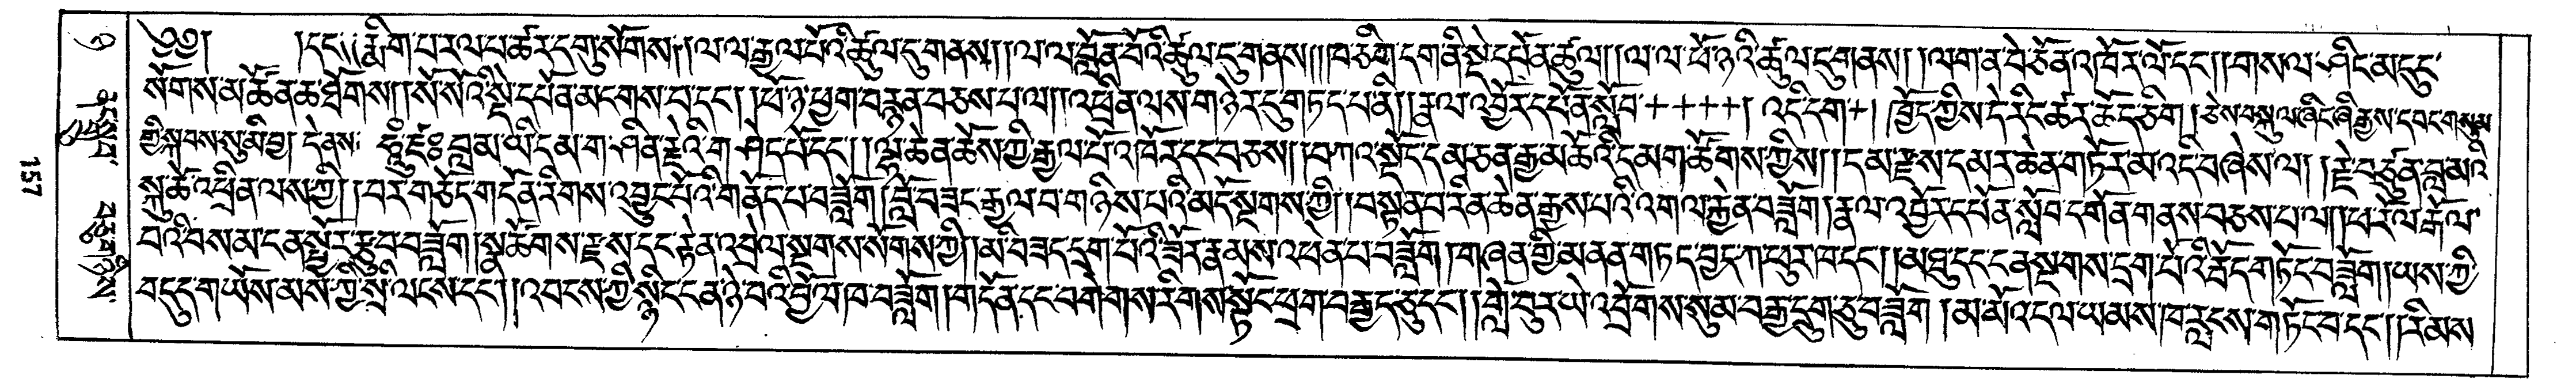༄༅། །དང༑ ༑རྨིག་པ་རལ་པ་ཚར་དགུ་སོགས། །ལ་ལ་རྒྱལ་པོའི་ཚུལ་དུ་གནས། །ལ་ལ་བློན་པོའི་ཚུལ་དུ་གནས། །ཁ་ཅིག་དག་ནི་སྡེ་དཔོན་ཚུལ། །ལ་ལ་ཕོ་ཉའི་ཚུལ་དུ་གནས། །ལག་ན་བེ་ཅོན་འཁོར་ལོ་དང་། །གསལ་ཤིང་མདུང་
སོགས་མཚོན་ཆ་ཐོགས། །སོ་སོའི་སྡེ་དཔོན་མངགས་པ་དང་། །ཕོ་ཉ་ཕྱག་བརྙན་བཅས་པ་ལ། །འཕྲིན་ལས་གཉེར་དུ་གཏད་པ་ནི། །རྣལ་འབྱོར་དཔོན་སློབ། འདི་དག། ཁྱོད་ཀྱིས་དེ་རིང་ཚར་ཆོད་ཅིག །ཅེས་བསྐུལ་ཞིང་ཞི་རྒྱས་དབང་གསུམ་
གྱི་སྐབས་སུ་མི་བྱ། དེ་ནས༑ ཧཱུཾ་ཛཿ བླ་མ་ཡི་དམ་གཤིན་རྗེའི་གཤེད་པོ་དང་། །ལྷ་ཆེན་ཆོས་ཀྱི་རྒྱལ་པོ་འཁོར་དང་བཅས། །བཀའ་སྡོད་དམ་ཅན་རྒྱ་མཚོའི་དམག་ཚོགས་ཀྱིས། །དམ་རྫས་དམར་ཆེན་གཏོར་མ་འདི་བཞེས་ལ། །རྗེ་བཙུན་བླ་མའི་
སྐུ་ཚེ་འཕྲིན་ལས་ཀྱི། །བར་གཅོད་གདོན་རིགས་འབྱུང་པོའི་གནོད་པ་བཟློག །བློ་བཟང་རྒྱལ་བ་གཉིས་པའི་མདོ་སྔགས་ཀྱི། །བསྟན་པ་རིན་ཆེན་རྒྱས་པའི་འགལ་རྐྱེན་བཟློག། །རྣལ་འབྱོར་དཔོན་སློབ་དགོན་གནས་བཅས་པ་ལ། །ཕ་རོལ་རྒོལ་
བའི་བསམ་ངན་སྦྱོར་རྩུབ་བཟློག །སྣ་ཚོགས་རྫས་དང་རྟེན་འབྲེལ་སྔགས་སོགས་ཀྱི། །མི་བཟད་དྲག་པོའི་ཟོར་རྣམས་འཕེན་པ་བཟློག །གཞན་གྱི་མནན་གཏད་བྱད་ཀ་ཕུར་ཁ་དང་། །མཐུ་དང་ངན་སྔགས་དྲག་པོའི་རྦོད་གཏོང་བཟློག །ཡས་ཀྱི་
བདུད་གཡོས་མས་ཀྱི་སྲི་ལངས་དང་། །འབངས་ཀྱི་སྙིང་ངན་ཉེ་བའི་བྱོལ་ཁ་བཟློག། །གདོན་དང་བགེགས་རིགས་སྟོང་ཕྲག་བརྒྱད་ཅུ་དང་། །གློ་བུར་ཡེ་འབྲོགས་སུམ་བརྒྱ་དྲུག་ཅུ་བཟློག །མ་མོའི་དལ་ཡམས་ཁ་རླངས་གཏོང་བ་དང་། །རིམས་